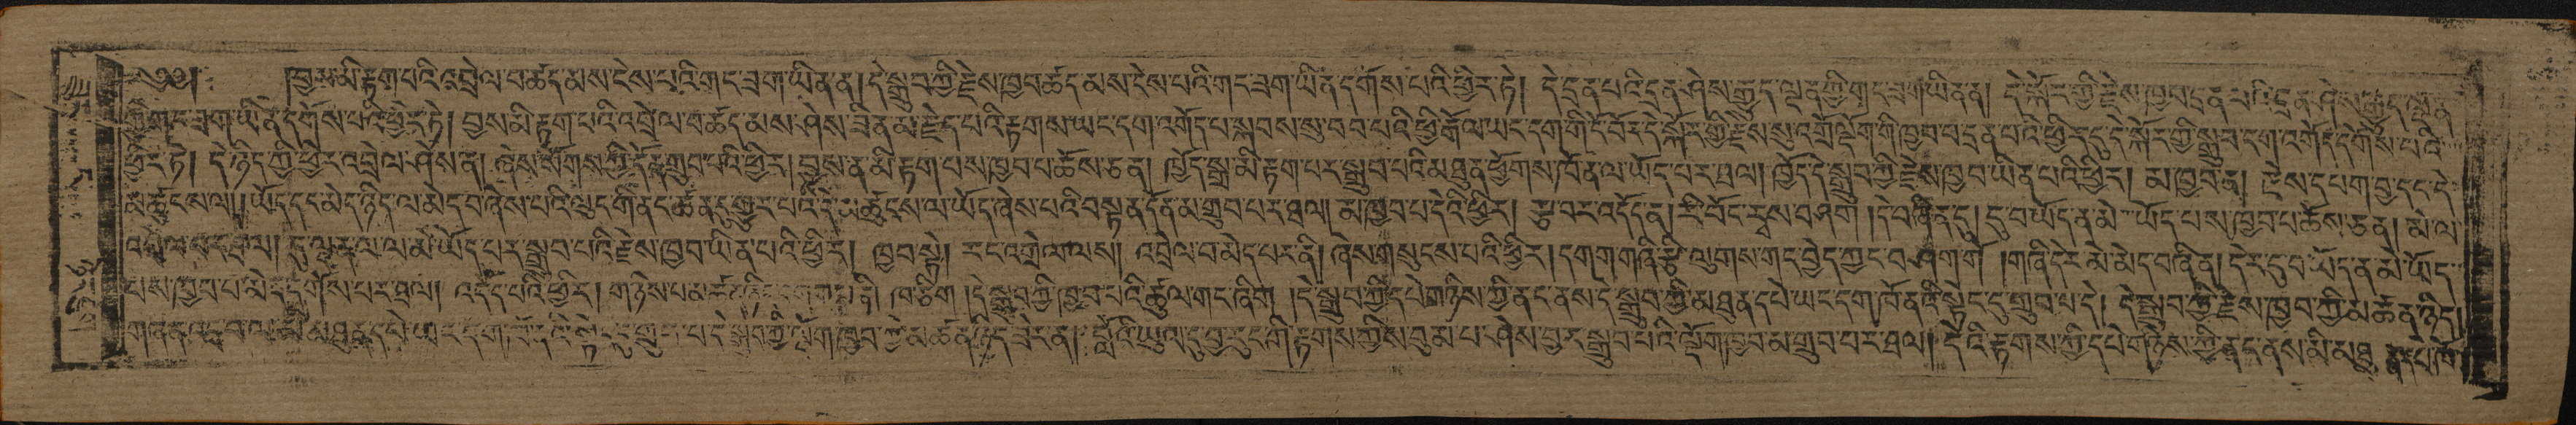༄༅། །བྱས་མི་རྟག་པའི་འབྲེལ་བ་ཚད་མས་ངེས་པའི་གང་ཟག་ཡིན་ན། དེ་སྒྲུབ་ཀྱི་རྗེས་ཁྱབ་ཚད་མས་ངེས་པའི་གང་ཟག་ཡིན་དགོས་པའི་ཕྱིར་ཏེ། དེ་དྲན་པའི་དྲན་ཤེས་རྒྱུད་ལྡན་གྱི་གང་ཟག་ཡིན་ན། དེ་སྐོར་གྱི་རྗེས་ཁྱབ་དྲན་པའི་དྲན་ཤེས་རྒྱུད་ལྡན་
གྱི་གང་ཟག་ཡིན་དགོས་པའི་ཕྱིར་ཏེ། བྱས་མི་རྟག་པའི་འབྲེལ་བ་ཚད་མས་ཤེས་ཟིན་མ་རྗེད་པའི་རྟགས་ཡང་དག་འགོད་པ་སྐབས་སུ་བབ་པའི་ཕྱི་རྒོལ་ཡང་དག་གི་ངོ་བོར་དེ་སྐོར་གྱི་རྗེས་སུ་འགྲོ་ལྡོག་གི་ཁྱབ་པ་དྲན་པའི་ཕྱིར་དུ་དེ་སྐོར་གྱི་སྒྲུབ་ངག་འགོད་དགོས་པའི་
ཕྱིར་ཏེ། དེ་ཉིད་ཀྱི་ཕྱིར་འབྲེལ་ཤེས་ན། ཞེས་སོགས་ཀྱི་དོན་གྲུབ་པའི་ཕྱིར། བྱས་ན་མི་རྟག་པས་ཁྱབ་པ་ཆོས་ཅན། ཁྱོད་སྒྲ་མི་རྟག་པར་སྒྲུབ་པའི་མཐུན་ཕྱོགས་ཁོ་ན་ལ་ཡོད་པར་ཐལ། ཁྱོད་དེ་སྒྲུབ་ཀྱི་རྗེས་ཁྱབ་ཡིན་པའི་ཕྱིར། མ་ཁྱབ་ན། རྗེས་དཔག་བྱ་དང་དེ་
མཚུངས་ལ། །ཡོད་དང་མེད་ཉིད་ལ་མེད་བཞེས་པའི་ལུང་གི་ནང་ཚན་དུ་གྱུར་པའི་དེ་མཚུངས་ལ་ཡོད་ཞེས་པའི་བསྟན་དོན་མ་གྲུབ་པར་ཐལ། མ་ཁྱབ་པ་དེའི་ཕྱིར། རྩ་བར་འདོད་ན། རི་བོང་རྭས་བཤག །དེ་བཞིན་དུ། དུ་བ་ཡོད་ན་མེ་ཡོད་པས་ཁྱབ་པ་ཆོས་ཅན། མེ་ལ་
འབྲེལ་བར་ཐལ། དུ་ལྡན་ལ་ལ་མེ་ཡོད་པར་སྒྲུབ་པའི་རྗེས་ཁྱབ་ཡིན་པའི་ཕྱིར། ཁྱབ་སྟེ། རང་འགྲེལ་ལས། འབྲེལ་བ་མེད་པར་ནི། ཞེས་གསུངས་པའི་ཕྱིར། དགག་གཞི་རྩི་ལུགས་གང་བྱེད་ཀྱང་བཤག་གོ །གཞི་དེར་མེ་མེད་བཞིན། དེར་དུ་བ་ཡོད་ན་མེ་ཡོད་
པས་ཁྱབ་པ་མེད་དགོས་པར་ཐལ། འདོད་པའི་ཕྱིར། གཉིས་པ་མཚན་ཉིད་དགག་པ་ནི། ཁ་ཅིག །དེ་སྒྲུབ་ཀྱི་ཁྱབ་པའི་ཚུལ་གང་ཞིག །དེ་སྒྲུབ་ཀྱི་དཔེ་གཉིས་ཀྱི་ནང་ནས་དེ་སྒྲུབ་ཀྱི་མཐུན་དཔེ་ཡང་དག་ཁོ་ནའི་སྟེང་དུ་གྲུབ་པ་དེ། དེ་སྒྲུབ་ཀྱི་རྗེས་ཁྱབ་ཀྱི་མཚན་ཉིད།
གཞན་འདྲ་བ་ལ་མི་མཐུན་དཔེ་ཡང་དག་ཁོ་ནའི་སྟེང་དུ་གྲུབ་པ་དེ་སྒྲུབ་ཀྱི་ལྡོག་ཁྱབ་ཀྱི་མཚན་ཉིད་ཟེར་ན། བློའི་ཡུལ་དུ་བྱ་རུང་གི་རྟགས་ཀྱིས་བུམ་པ་ཤེས་བྱར་སྒྲུབ་པའི་ལྡོག་ཁྱབ་མ་གྲུབ་པར་ཐལ། དེའི་རྟགས་ཀྱི་དཔེ་གཉིས་ཀྱི་ནང་ནས་མི་མཐུན་དཔེ་ཁོ་